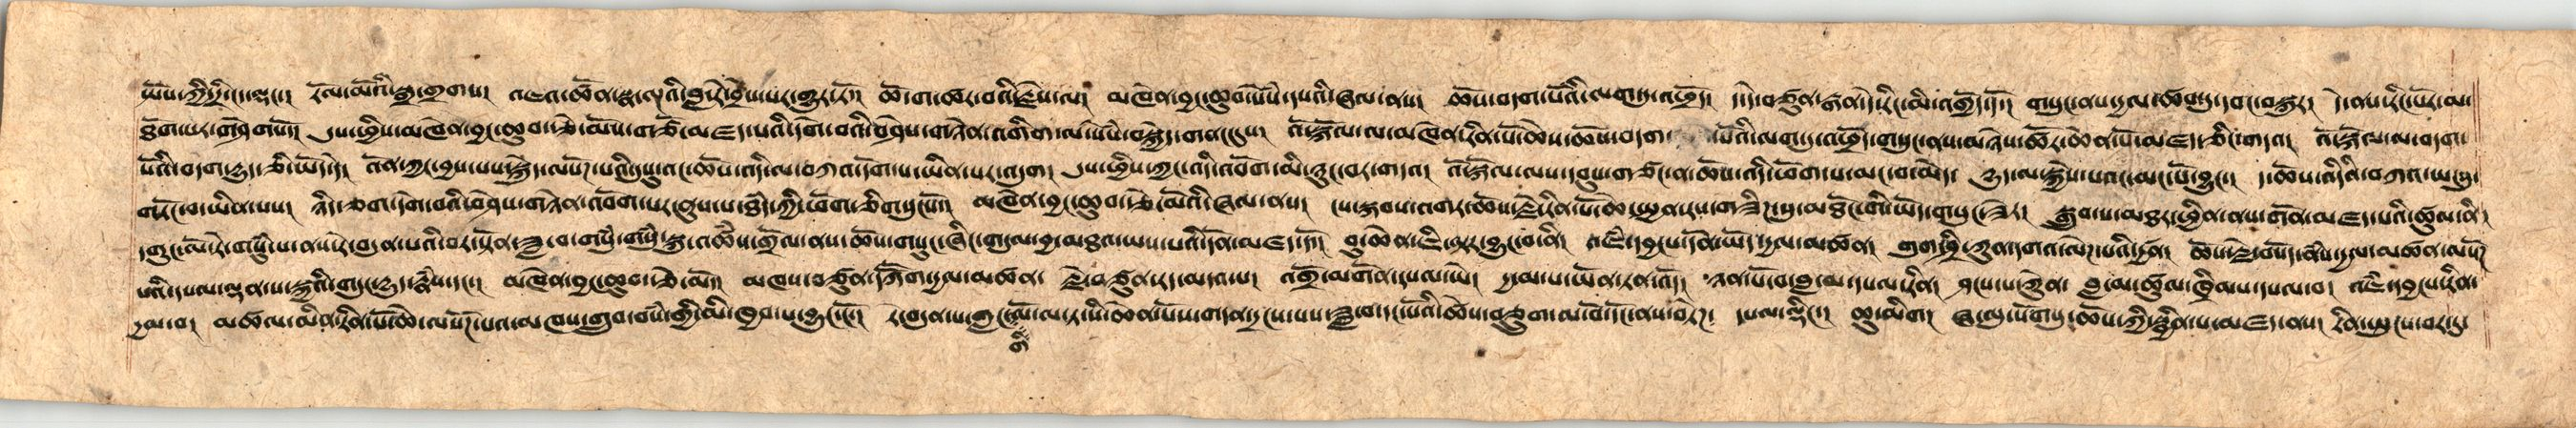སྤོས་ཀྱི་དྲི་ངད་ལྡང་། རོལ་མོའི་སྒྲ་གྲགས། འཇའ་ཚོན་སྣ་ལྔའི་བླ་རེ་བྲེས་པར་གྱུར་ཏོ། ཆོ་ག་ཚར་བའི་རྗེས་ལ། མཁེན་བྱང་ཆུབ་སེཾས་དཔའི་ཞལ་ནས། ཆོས་བདག་པོའི་ལག་དུ་འཕྲོད། ད་དེ་བཙུན་རྒན་དེ་རིང་མི་འགྱོད་དོ། གསུང་ནས་དྱལ་ཚབ་དུ་དབང་བསྐུར། དེ་ནས་རིང་པོར་མ
ཐོག་པར་གཤེགསོ། དུས་ཕྱིས་མཁེན་བྱང་ཆུབ་རྩེ་མོས་གཙོ་མཛད་པའི་དགེ་བའི་བཤེས་གཉེན་འགིག་ལ་སེཾས་བསྐྱེད་གནང་དུས། འོ་སྐོལ་ལ་མཁེན་རིན་པོ་ཆེས་ཆོས་བདག་པོའི་ལག་དུ་འཕྲོད་གསུང་ནས་མཉེས་ཚོར་ཆེན་པོ་མཛད་ཅིང་གདའ། འོ་སྐོལ་ལ་བདག་
པོའི་བདག་དྱུ་ཅི་ཡོད་དེ། འོན་ཀྱང་བྱས་པས་སྐེུད་ལསོཌ་པའི་དུསུ་འང་ཆོས་འདི་ལ་བཀའ་དོག་པ་ཡིན་པར་འདུག། དུས་ཕྱིས་ཀྱང་འདི་འབོག་མི་ཉུང་བར་གདའ། འོ་སྐོལ་ལས་དབུས་གཙང་ན་ཆོས་འདི་ཕོག་པ་མང་བ་མེད། དྱུད་ལ་སྐྱེས་པའང་མང་པོ་བྱུང་། ད་ཆོས་འདིའི་བཀའ་ཡངསུ་
གཏོང་བ་ཡིན་པས། ཉིད་ཅག་དགེ་བའི་བཤེས་གཉེན་འབོག་པར་ནུས་པ་ཐཾད་ཀྱི་ཕོག་ཅིག་གསུངསོ་། མཁེན་བྱང་ཆུབ་རྩེ་མོའི་ཞལ་ནས། ངས་སྐབས་འགར་ཆོས་རྗེ་རིན་པོ་ཆེ་སྤྱན་རས་གཟིཌ་སུ་མཐོང་གི་ཡོད་གསུང་ཟེར། སྒྲུབ་པ་མཐར་ཕྱིན་ནས་གོན་མཛད་པའི་ཚུལ་ནི།
དགུང་ལོ་རེ་གསུཾ་པ་ནས་རེ་བདུན་པའི་བར་སྟོན་ཟླ་བ་གསུཾ་གསུཾ་སྐུ་འཚཾས་གྲོལ་ནས་ཆོས་གསུང་ཞིང་གདུལ་བྱ་མཐའ་ཡས་པའི་དོན་མཛད་དོ། བུ་ཆེན་ཇི་ལྟར་བྱུང་བ་ནི། འཇཾ་དབྱངས་དོན་ཡོད་དྱལ་མཚན། གུག་ཤྲཱི་ཀུན་དགའ་ལེཌ་པའི་དྱཚན། ཆོས་རྗེ་བསོད་ནཾས་དྱལ་མཚན་ལསོཌ
པའི་དཔལ་ལྡན་ས་སྐྱའི་གདུང་བདྱུད་རྣཾས་དང་། མཁེན་བྱང་ཆུབ་རྩེ་མོ། མཁས་བཙུན་དཀཽག་དྱལ་མཚན། རྗེ་བཙུན་རད་མདའ་པ། འགྲོ་མགོན་དཔལ་ཡེ། དྱ་མ་བ་ཡོན་ཏན་འོད། ཉན་པོ་བ་བླ་མ་དཔལ་རིན། ཤངས་པ་ཀེུན། བླ་མ་ཚུལ་ཁྲིམས་དཔལ་བ། འཇཾ་དབྱངས་རིན་
དྱལ་བ། འཚལ་མིན་རིན་པོ་ཆེ་ལསོཌ་པའ་མཁས་གྲུབ་བསཾ་གྱི་མི་ཁྱབ་པ་བྱུང་ངོ་། རེ་བདུན་པ་གླང་གི་ལོ་ལ་ཏ་སི་ཆེན་པོས་གདན་དྲངས་པས་ཟླ་བ་དང་པོའི་ཚེས་བཅྲུག་ལ་བོ་དོང་ནས་བཏེཌ། དཔལ་ལྡིང་། ཆུ་མིག། ཞ་ལུ་སོགསུ་ཆོས་ཀྱི་སྦྱིན་པ་མཛད་ནས། རིན་སྤུངས་བར་དུ་